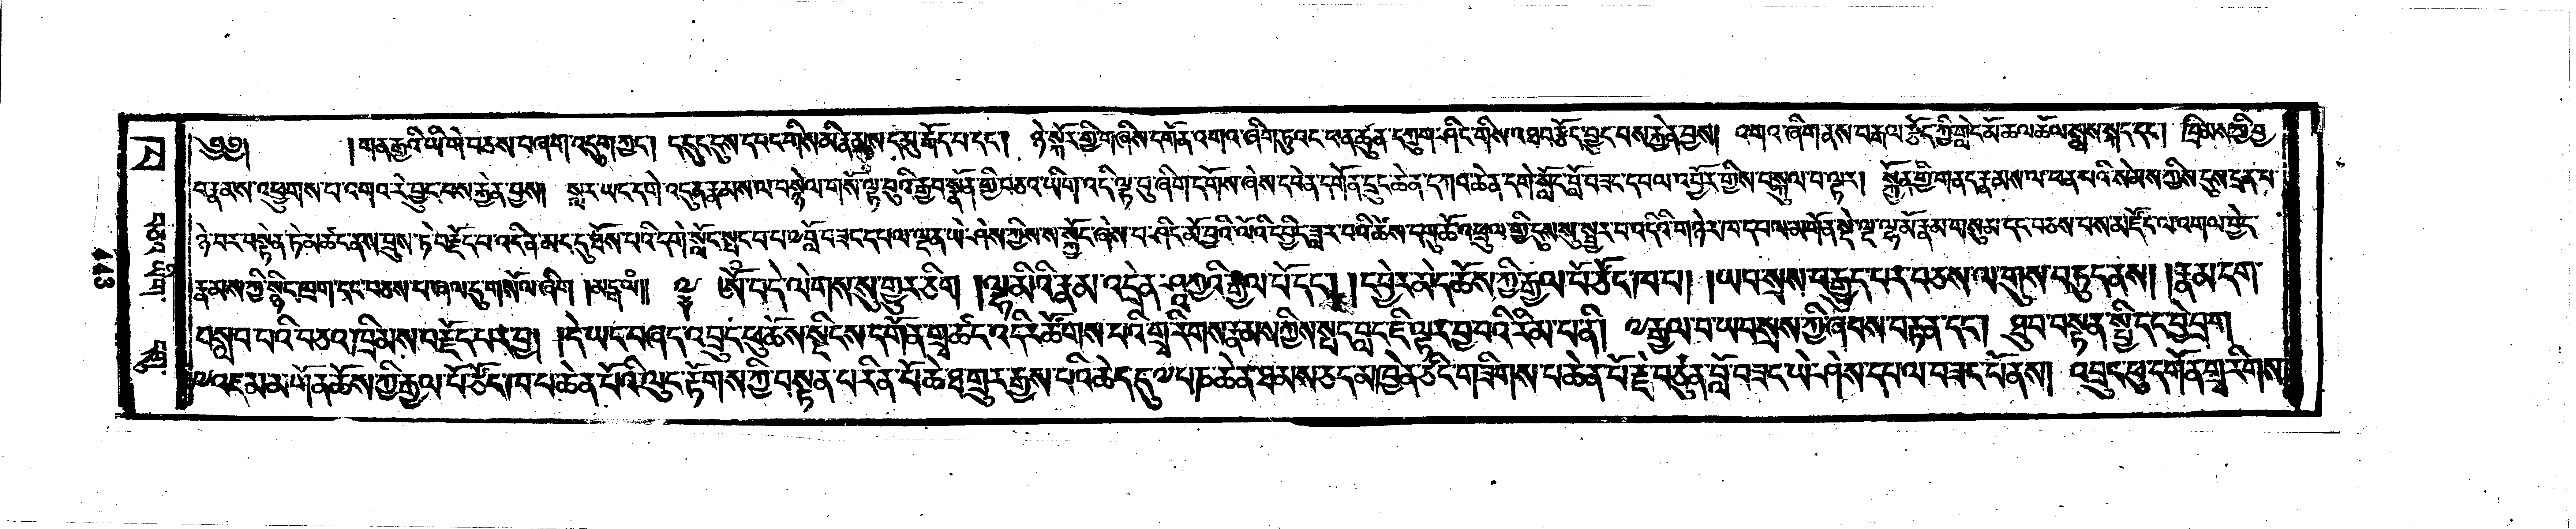༄༅། །གན་རྒྱའི་ཡི་གེ་བཅས་བཞག་འདུག་ཀྱང་། ད་དུང་དུས་དབང་གིས་མི་རྣམས་དམུ་རྒོད་པ་དང་། ཉེ་སྐོར་གྱི་གཞིས་དགོན་འགའ་ཞིག་ཏུའང་ཕན་ཚུན་དཀྲུག་ཤིང་གིས་འཐབ་རྩོད་བྱུང་བས་རྐྱེན་བྱས། འགའ་ཞིག་ནས་བརྒལ་རྩོད་ཀྱི་གླེང་མོ་ཆལ་ཆོལ་སྨས་སྐད་དང་། ཁྲིམས་ཀྱི་བྱ་
བ་རྣམས་འཕྱུགས་པ་འགའ་རེ་བྱུང་བས་རྐྱེན་བྱས། སླར་ཡང་དགེ་འདུན་རྣམས་ལ་བསྙེལ་གསོ་ལྟ་བུའི་རྒྱབ་སྣོན་གྱི་བཅའ་ཡིག་འདི་ལྟ་བུ་ཞིག་དགོས་ཞེས་དབེན་དགོན་དྲུང་ཆེན་དཀའ་ཆེན་དགེ་སློང་བློ་བཟང་དཔལ་འབྱོར་གྱིས་བསྐུལ་ལྟར། སྐྱོན་གྱི་གནད་རྣམས་ལ་ཕན་པའི་སེམས་ཀྱིས་དུས་དྲན་པ་
ཉེ་བར་བསྟེན་ཏེ་མཚད་ནས་བྲུས་ཏེ་བརྗོད་བ་འདི་ན་མང་དུ་ཐོས་པའི་དགེ་སློང་སྤང་པ་པ་༧་བློ་བཟང་དཔལ་ལྡན་ཡེ་ཤེས་ཀྱིས་ས་སྐྱོང་ཞེས་བ་ཤིང་མོ་བྱའི་ལོའི་དབྱིད་ཟླར་བའི་ཚེས་དགུ་ཆོ་འཕྲུལ་གྱི་དུས་སུ་སྦྱར་བ་འདིའི་གཉེར་ཁ་དཔལ་མགོན་སྡེ་ལྔ་ལྷ་མོ་རྣམ་གསུམ་དང་བཅས་པས་མཛོད་ལ་འགལ་བྱེད་
རྣམས་ཀྱི་སྙིང་ཁྲག་དང་བཅས་པ་ཞལ་དུ་གསོལ་ཞིག །མངྒ་ལཾ།། ༈ ཨོཾ་བདེ་ལེགས་སུ་གྱུར་ཅིག །ལྷ་མིའི་རྣམ་འདྲེན་ཤཱཀྱའི་རྒྱལ་པོ་དང་། །དབྱེར་མེད་ཆོས་ཀྱི་རྒྱལ་པོ་ཙོང་ཁ་པ། །ཡབ་སྲས་བརྒྱུད་པར་བཅས་ལ་གུས་བཏུད་ནས། །རྣམ་དག་
བསླབ་པའི་བཅའ་ཁྲིམས་བརྗོད་པར་བྱ། །དེ་ཡང་བཞད་འབྲུད་ཕུ་ཆོས་སྡིངས་དགོན་གྲྭ་ཚང་འདིར་ཚོགས་པའི་གྲྭ་རིགས་རྣམས་ཀྱིས་སྤང་བླ་ཇི་ལྟར་བྱ་བའི་རིམ་པ་ནི། ༧་རྒྱལ་བ་ཡབ་སྲས་ཀྱི་ཞབས་བརྟན་དང་། ཐུབ་བསྟན་སྤྱི་དང་བྱེ་བྲག་
༧་འཇམ་མགོན་ཆོས་ཀྱི་རྒྱལ་པོ་ཙོང་ཁ་པ་ཆེན་པོའི་ལུང་རྟོགས་ཀྱི་བསྟན་པ་རིན་པོ་ཆེ་ཐ་གྲུར་རྒྱས་པའི་ཆེད་དུ་༧་པཎ་ཆེན་ཐམས་ཅད་མཁྱེན་ཅིང་གཟིགས་པ་ཆེན་པོ་རྗེ་བཙུན་བློ་བཟང་ཡེ་ཤེས་དཔལ་བཟང་པོ་ནས། འབྲུང་ཕུ་དགོན་གྲྭ་རིགས་